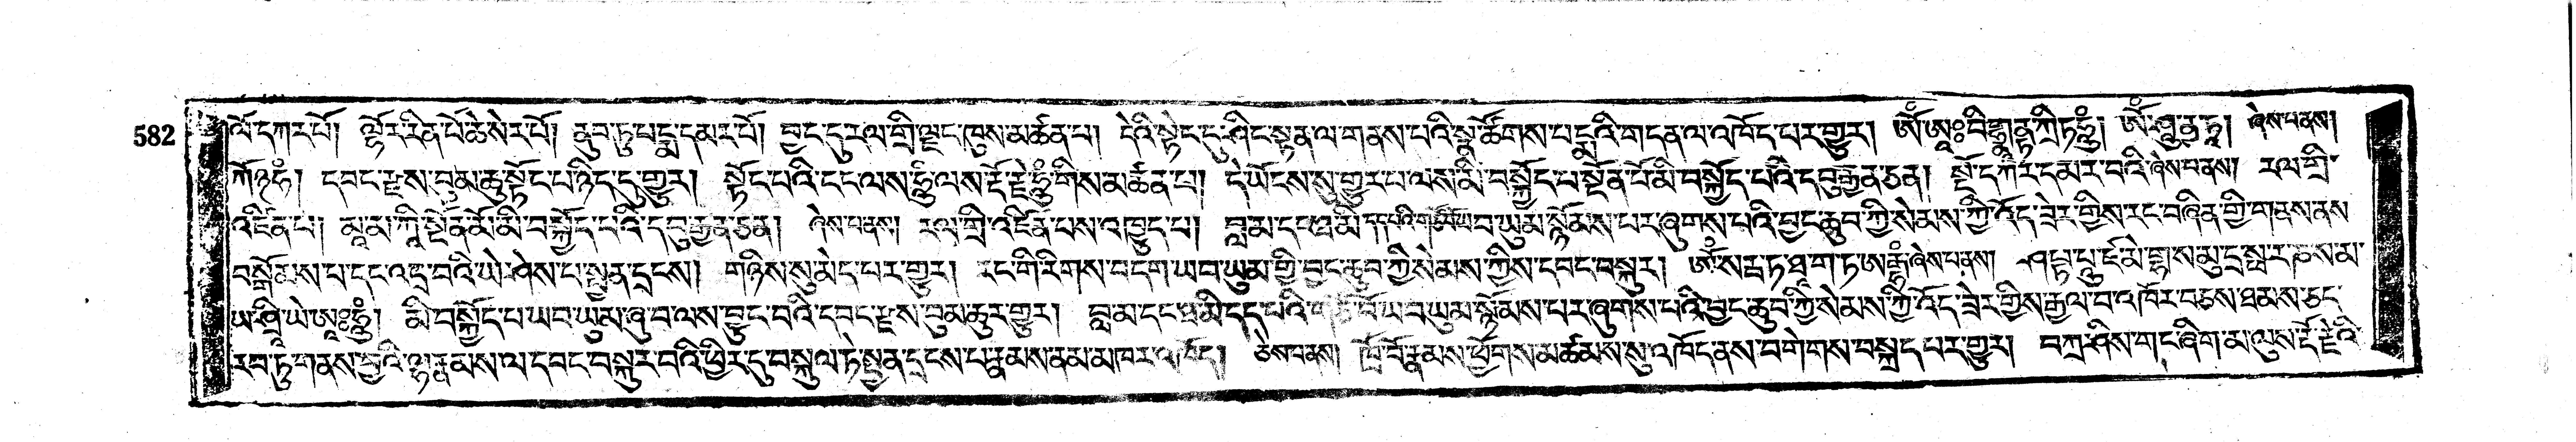ལོ་དཀར་པོ། ལྷོར་རིན་པོ་ཆེ་སེར་པོ། ནུབ་ཏུ་པདམ་དམར་པོ། བྱང་དུ་རལ་གྲི་ལྗང་ཁུས་མཚན་པ། དེའི་སྟེང་དུ་ཤིང་སྟན་ལ་གནས་པའི་སྣ་ཚོགས་པདམའི་གདན་ལ་འཁོད་པར་གྱུར། ཨོཾ་ཨཱཿབིགྷྣཱནྟ་ཀྲིཏ་ཧཱུཾ། ཨོཾ་ཤཱུ་ནྱ་ཏཱ། ཞེས་པ་ནས།
ཀོཉཧཾ། དབང་རྫས་བུམ་ཆུ་སྟོང་པ་ཉིད་དུ་གྱུར། སྟོང་པའི་ངང་ལས་ཧཱུཾ་ལས་རྡོ་རྗེ་ཧཱུཾ་གིས་མཚན་པ། དེ་ཡོངས་སུ་གྱུར་པ་ལས་མི་བསྐྱོད་པའི་དབུ་རྒྱན་ཅན། སྔོ་དཀར་དམར་བའི་ཞེས་པ་ནས།  རལ་གྲི་
འཛིན་པ། མཱ་མ་ཀཱི་སྔོན་མོ་མི་བསྐྱོད་པའི་དབུ་རྒྱན་ཅན། ཞེས་པ་ནས།  རལ་གྲི་འཛིན་པས་འཁྱུད་པ། བླ་མ་དང་ཐ་མི་དད་པའི་གཙོ་བོ་ཡབ་ཡུན་སྙོམས་པར་ཞུགས་པའི་བྱང་ཆུབ་ཀྱི་སེམས་ཀྱི་འོད་ཟེར་གྱིས་རང་བཞིན་གྱི་གནས་ནས་
བསྒོམས་པ་དང་འདྲ་བའི་ཡེ་ཤེས་པ་སྤྱན་དྲངས། གཉིས་སུ་མེད་པར་གྱུར། རང་གི་རིགས་བདག་ཡབ་ཡུམ་གྱི་བྱང་ཆུབ་ཀྱི་སེམས་ཀྱི་དབང་བསྐུར། ཨོཾ་སརྦ་ཏ་ཐཱ་ག་ཏ་ཨརྒྷཾ་ཞེས་པ་ནས།  ཤཔྟ་པཱུ་ཛ་མེ་གྷ་ས་མུ་དྲ་སྥ་ར་ཎ་ས་མ་
ཡ་ཤྲི་ཡེ་ཨཱཿཧཱུཾ། མི་བསྐྱོད་པ་ཡབ་ཡུམ་ཞུ་བ་ལས་བྱུང་བའི་དབང་རྫས་བུམ་ཆུར་གྱུར། བླ་མ་དང་ཐ་མི་དད་པའི་གཙོ་བོ་ཡབ་ཡུམ་སྙོམས་པར་ཞུགས་པའི་བྱང་ཆུབ་ཀྱི་སེམས་ཀྱི་འོད་ཟེར་གྱིས་རྒྱལ་བ་འཁོར་བཅས་ཐམས་ཅད་
རབ་ཏུ་གནས་བྱའི་ལྷ་རྣམས་ལ་དབང་བསྐུར་བའི་ཕྱིར་དུ་བསྐུལ་ཏེ་སྤྱན་དྲངས་པ་རྣམས་ནམ་མཁར་འཁོད། ཅེས་པ་ནས།  ཁྲོ་བོ་རྣམས་ཕྱོགས་མཚམས་སུ་འཁོད་ནས་བགེགས་བསྐྲད་པར་གྱུར། བཀྲ་ཤིས་གང་ཞིག་མ་ལུས་རྡོ་རྗེའི་